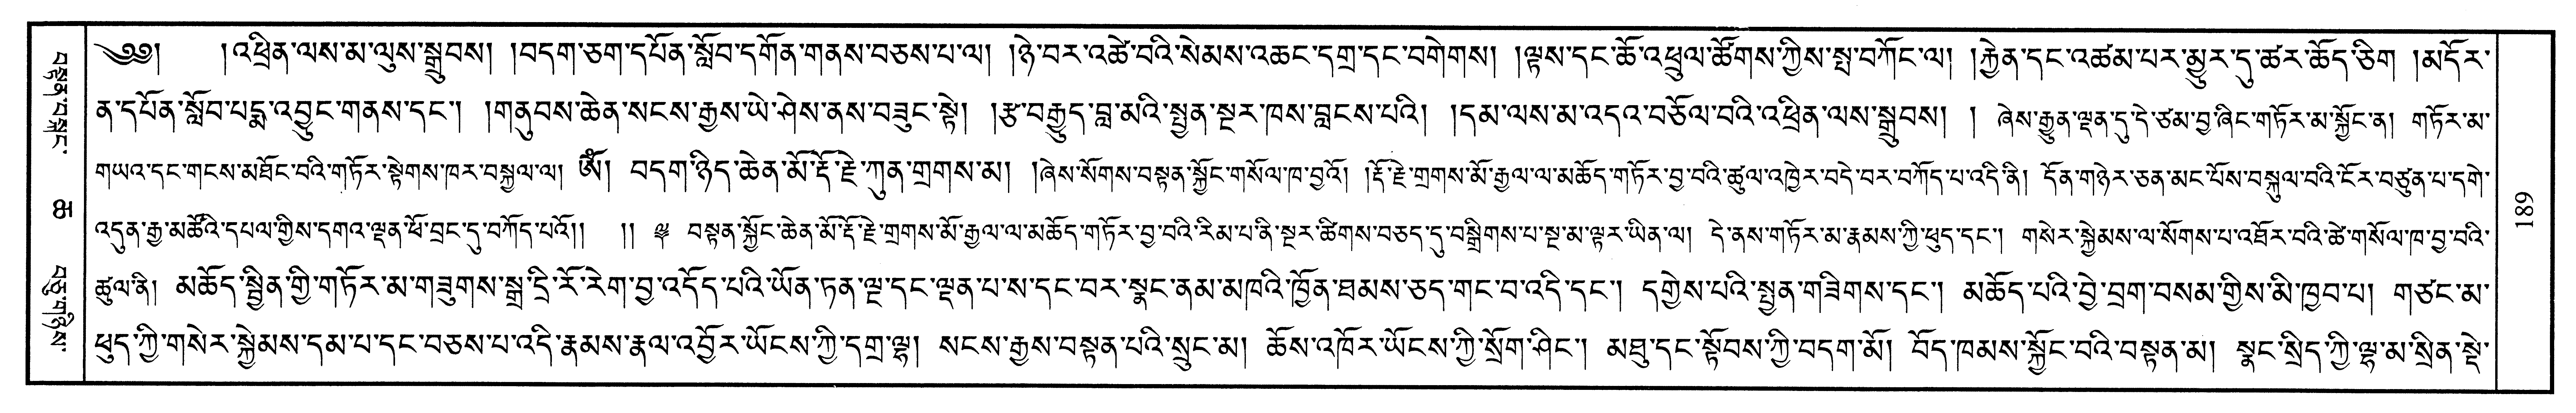༄༅། །འཕྲིན་ལས་མ་ལུས་སྒྲུབས། །བདག་ཅག་དཔོན་སློབ་དགོན་གནས་བཅས་པ་ལ། །ཉེ་བར་འཚེ་བའི་སེམས་འཆང་དགྲ་དང་བགེགས། །ལྟས་དང་ཆོ་འཕྲུལ་ཚོགས་ཀྱིས་སྤ་བཀོང་ལ། །རྐྱེན་དང་འཚམ་པར་མྱུར་དུ་ཚར་ཆོད་ཅིག །མདོར་
ན་དཔོན་སློབ་པདམ་འབྱུང་གནས་དང་། །གནུབས་ཆེན་སངས་རྒྱས་ཡེ་ཤེས་ནས་བཟུང་སྟེ། །རྩ་བརྒྱུད་བླ་མའི་སྤྱན་སྔར་ཁས་བླངས་པའི། །དམ་ལས་མ་འདའ་བཅོལ་བའི་འཕྲིན་ལས་སྒྲུབས། །ཞེས་རྒྱུན་ལྡན་དུ་དེ་ཙམ་བྱ་ཞིང་གཏོར་མ་སྐྱོང་ན། གཏོར་མ་
གཡའ་དང་གངས་མཐོང་བའི་གཏོར་སྟེགས་ཁར་བསྐྱལ་ལ། ཨོཾ། བདག་ཉིད་ཆེན་མོ་རྡོ་རྗེ་ཀུན་གྲགས་མ། །ཞེས་སོགས་བསྟན་སྐྱོང་གསོལ་ཁ་བྱའོ། །རྡོ་རྗེ་གྲགས་མོ་རྒྱལ་ལ་མཆོག་གཏོར་བྱ་བའི་ཚུལ་འཁྱེར་བདེ་བར་བཀོད་པ་འདི་ནི། དོན་གཉེར་ཅན་མང་པོས་བསྐུལ་བའི་ངོར་བཙུན་པ་དགེ་
འདུན་རྒྱ་མཚོའི་དཔལ་གྱིས་དགའ་ལྡན་ཕོ་བྲང་དུ་བཀོད་པའི།། །། ༈ བསྟན་སྐྱོང་ཆེན་མོ་རྡོ་རྗེ་གྲགས་མོ་རྒྱལ་ལ་མཆོད་གཏོར་བྱ་བའི་རིམ་པ་ནི་སྔར་ཚིགས་བཅད་དུ་སྒྲིགས་པ་སྔ་མ་ལྟར་ཡིན་ལ། དེ་ནས་གཏོར་མ་རྣམས་ཀྱི་ཕུད་དང་། གསེར་སྐྱེམས་ལ་སོགས་པ་འཐོར་བའི་ཚེ་གསོལ་ཁ་བྱ་བའི་
ཚུལ་ནི། མཆོད་སྦྱིན་གྱི་གཏོར་མ་གཟུགས་སྒྲ་དྲི་རོ་རེག་བྱ་འདོད་པའི་ཡོན་ཏན་ལྔ་དང་ལྡན་པ་ས་དང་བར་སྣང་ནམ་མཁའི་ཁྱོན་ཐམས་ཅད་གང་བ་འདི་དང་། དགྱེས་པའི་སྤྱན་གཟིགས་དང་། མཆོད་པའི་བྱེ་བྲག་བསམ་གྱིས་མི་ཁྱབ་པ། གཙང་མ་
ཕུད་ཀྱི་གསེར་སྐྱེམས་དམ་པ་དང་བཅས་པ་འདི་རྣམས་རྣལ་འབྱོར་ཡོངས་ཀྱི་དགྲ་ལྷ། སངས་རྒྱས་བསྟན་པའི་སྲུང་མ། ཆོས་འཁོར་ཡོངས་ཀྱི་སྲོག་ཤིང་། མཐུ་དང་སྟོབས་ཀྱི་བདག་མོ། བོད་ཁམས་སྐྱོང་བའི་བསྟན་མ། སྣང་སྲིད་ཀྱི་ལྷ་མ་སྲིན་སྡེ་